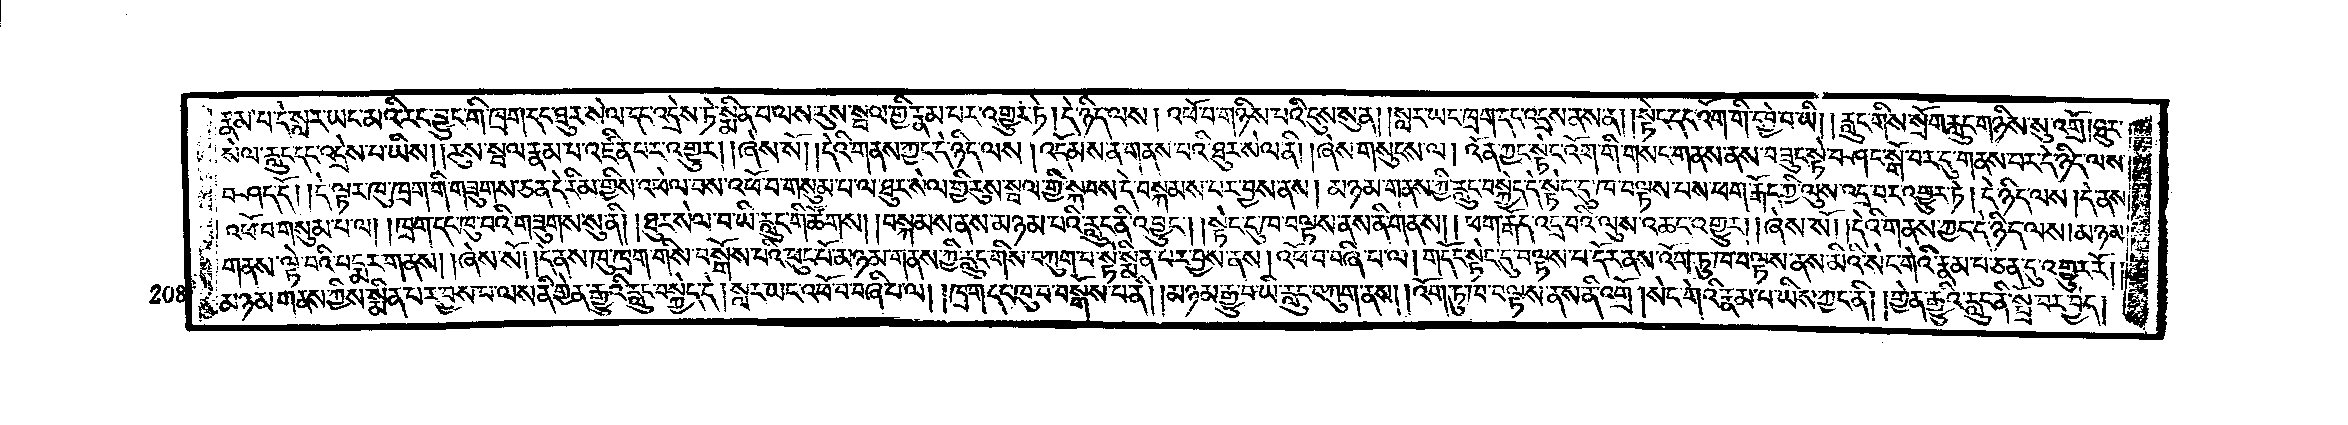རྣམ་པ་དེ་སླར་ཡང་མའི་རང་བྱུང་གི་ཁྲག་དང་ཐུར་སེལ་དང་འདྲེས་ཏེ་སྨིན་པ་ལས་རུས་སྦལ་གྱི་རྣམ་པར་འགྱུར་ཏེ། དེ་ཉིད་ལས། འཕོ་བ་གཉིས་པའི་དུས་སུ་ནི། །སླར་ཡང་ཁྲག་དང་འདྲེས་ནས་ནི། །སྟེང་དང་འོག་གི་དབྱེ་བ་ཡི། །རླུང་གིས་སྲོག་རླུང་གཉིས་སུ་འགྲོ། །ཐུར་
སེལ་རླུང་དང་འདྲེས་པ་ཡིས། །རུས་སྦལ་རྣམ་པ་འཛིན་པར་འགྱུར། །ཞེས་སོ། །དེའི་གནས་ཀྱང་དེ་ཉིད་ལས། འདོམས་ན་གནས་པའི་ཐུར་སེལ་ནི། །ཞེས་གསུངས་ལ། འོན་ཀྱང་སྟེང་འོག་གི་གསང་གནས་ནས་བཟུང་སྟེ་བཤད་སྒོ་བར་དུ་གནས་པར་དེ་ཉིད་ལས་
བཤད་དོ། །དེ་ལྟར་ཁུ་ཁྲག་གི་གཟུགས་ཅན་དེ་རིམ་གྱིས་འཕེལ་བས་འཕོ་བ་གསུམ་པ་ལ་ཐུར་སེལ་གྱི་རུས་སྦལ་གྱི་སྐབས་ད་བསྐམས་པར་བྱས་ནས། མཉམ་གནས་ཀྱི་རླུང་བསྐྱེད་དེ་སྟེང་དུ་ཁ་བལྟས་པས་ཕག་རྒོད་ཀྱི་ལུས་འདྲ་བར་འགྱུར་ཏེ། དེ་ཉིད་ལས། དེ་ནས་
འཕོ་བ་གསུམ་པ་ལ། །ཁྲག་དང་ཁུ་བའི་གཟུགས་སུ་ནི། །ཐུར་སེལ་བ་ཡི་རླུང་གི་ཚོགས། །བསྐམས་ནས་མཉམ་པའི་རླུང་ནི་འབྱུང་། །སྟེང་དུ་ཁ་བལྟས་ནས་ནི་གནས། །ཕག་རྒོད་འདྲ་བའི་ལུས་འཆང་འགྱུར། །ཞེས་སོ། །དེའི་གནས་ཀྱང་དེ་ཉིད་ལས། མཉམ་
གནས་ལྟེ་བའི་པདམར་གནས། །ཞེས་སོ། །དེ་ནས་ཁུ་ཁྲག་གིས་བསྒོས་པའི་ཕུང་པོ་མཉམ་གནས་ཀྱི་རླུང་གིས་བཀུག་པ་སྟེ་སྨིན་པར་བྱས་ནས། འཕོ་བ་བཞི་པ་ལ། གདོང་སྟེང་དུ་བལྟས་པ་དོར་ནས་འོག་ཏུ་ཁ་བལྟས་ནས་མའི་སེང་གེའི་རྣམ་པ་ཅན་དུ་འགྱུར་རོ། །
མཉམ་གནས་ཀྱིས་སྨིན་པར་བྱས་པ་ལས་ནི་གྱེན་རྒྱུའི་རླུང་བསྐྱེད་དེ། སླར་ཡང་འཕོ་བ་བཞི་པ་ལ། །ཁྲག་དང་ཁུ་བ་བསྒོས་པ་ནི། །མཉམ་རྒྱུ་བ་ཡི་རླུང་བཀུག་ནས། །འོག་ཏུ་ཁ་བལྟས་ནས་ནི་འགྲོ་།སེང་གེའི་རྣམ་པ་ཡིས་ཀྱང་ནི། །གྱེན་རྒྱུའི་རླུང་ནི་སྤྲོ་བར་བྱེད།